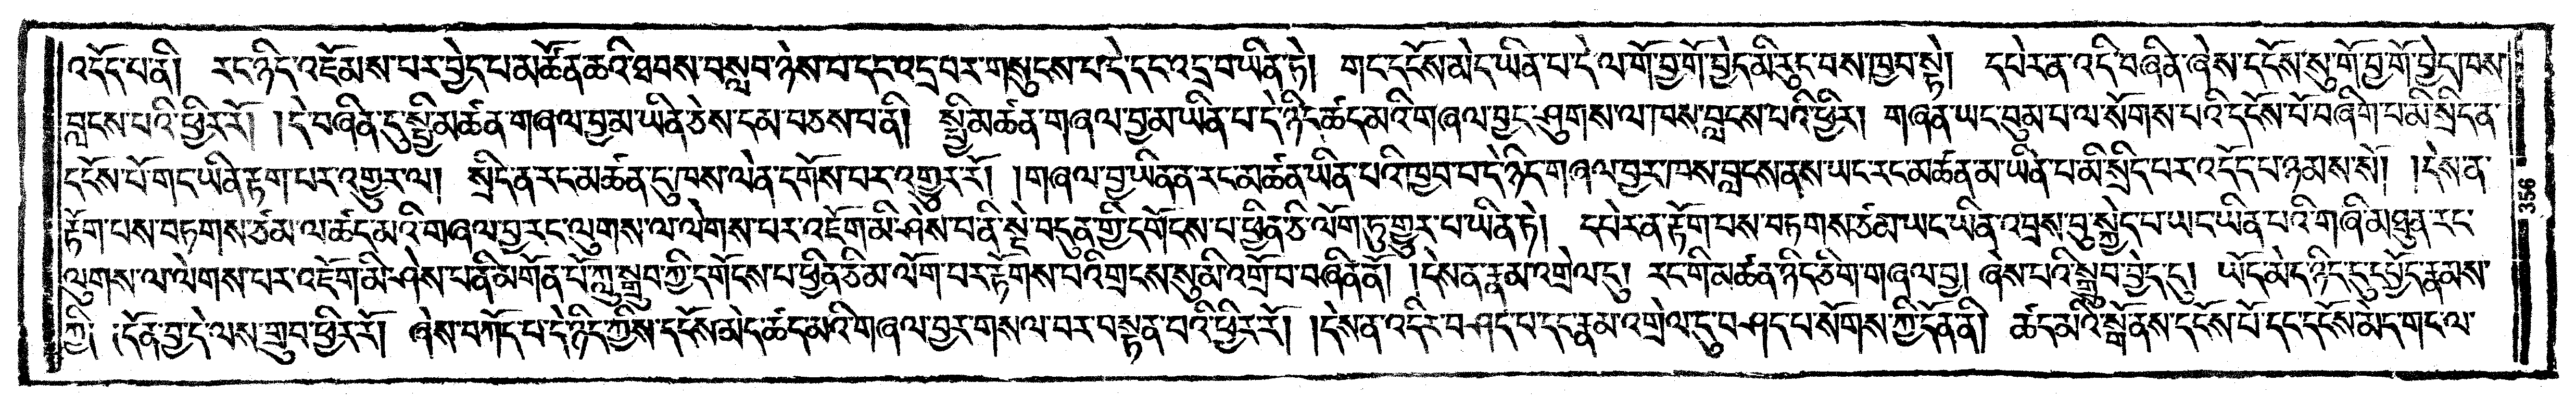འདོད་པ་ནི། རང་ཉིད་འཇོམས་པར་བྱེད་པ་མཚོན་ཆའི་ཐབས་བསླབ་ཉེས་པ་དང་འདྲ་བར་གསུངས་པ་དེ་དང་འདྲ་བ་ཡིན་ཏེ། གང་དངོས་མེད་ཡིན་པ་དེ་ལ་གོ་བྱ་གོ་བྱེད་མི་རུང་བས་ཁྱབ་སྟེ། དཔེར་ན་འདི་བཞིན་ཞེས་དངོས་སུ་གོ་བྱ་གོ་བྱེད་ཁས་
བླངས་པའི་ཕྱིར་རོ། །དེ་བཞིན་དུ་སྤྱི་མཚན་གཞལ་བྱ་མ་ཡིན་ཅེས་དམ་བཅས་པ་ནི། སྤྱི་མཚན་གཞལ་བྱ་མ་ཡིན་པ་དེ་ཉིད་ཚད་མའི་གཞལ་བྱང་ཤུགས་ལ་ཁས་བླངས་པའི་ཕྱིར། གཞན་ཡང་བུམ་པ་ལ་སོགས་པའི་དངོས་པོ་བཞིག་པ་མི་སྲིད་ན་
དངོས་པོ་གང་ཡིན་རྟག་པར་འགྱུར་ལ། སྲིད་ན་རང་མཚན་དུ་ཁས་ལེན་དགོས་པར་འགྱུར་རོ། །གཞལ་བྱ་ཡིན་ན་རང་མཚན་ཡིན་པའི་ཁྱབ་པ་དེ་ཉིད་གཞལ་བྱར་ཁས་བླངས་ནས་ཡང་རང་མཚན་མ་ཡིན་པ་མི་སྲིད་པར་འདོད་པ་ཉམས་སོ། །དེས་ན་
རྟོག་པས་བཏགས་ཙམ་ལ་ཚད་མའི་གཞལ་བྱ་རང་ལུགས་ལ་ལེགས་པར་འཇོག་མི་ཤེས་པ་ནི་སྡེ་བདུན་གྱི་དགོངས་པ་ཕྱིན་ཅི་ལོག་ཏུ་གྱུར་པ་ཡིན་ཏེ། དཔེར་ན་རྟོག་པས་བཏགས་ཙམ་ཡང་ཡིན་འབྲས་བུ་སྐྱེད་པ་ཡང་ཡིན་པའི་གཞི་མཐུན་རང་
ལུགས་ལ་ལེགས་པར་འཇོག་མི་ཤེས་པ་ནི་མགོན་པོ་ཀླུ་སྒྲུབ་ཀྱི་དགོངས་པ་ཕྱིན་ཅི་མ་ལོག་པར་རྟོགས་པའི་གྲངས་སུ་མི་འགྲོ་བ་བཞིན་ནོ། །དེས་ན་རྣམ་འགྲེལ་དུ། རང་གི་མཚན་ཉིད་ཅིག་གཞལ་བྱ། ཞེས་པའི་སྒྲུབ་བྱེད་དུ། ཡོད་མེད་ཉིད་དུ་དཔྱོད་རྣམས་
ཀྱི། །དོན་བྱ་དེ་ལས་གྲུབ་ཕྱིར་རོ། ཞེས་བཀོད་པ་དེ་ཉིད་ཀྱིས་དངོས་མེད་ཚད་མའི་གཞལ་བྱར་གསལ་བར་བསྟན་པའི་ཕྱིར་རོ། །དེས་ན་འདིར་བཤད་པ་དང་རྣམ་འགྲེལ་དུ་བཤད་པ་སོགས་ཀྱི་དོན་ནི། ཚད་མའི་སྒོ་ནས་དངོས་པོ་དང་དངོས་མེད་གང་ལ་